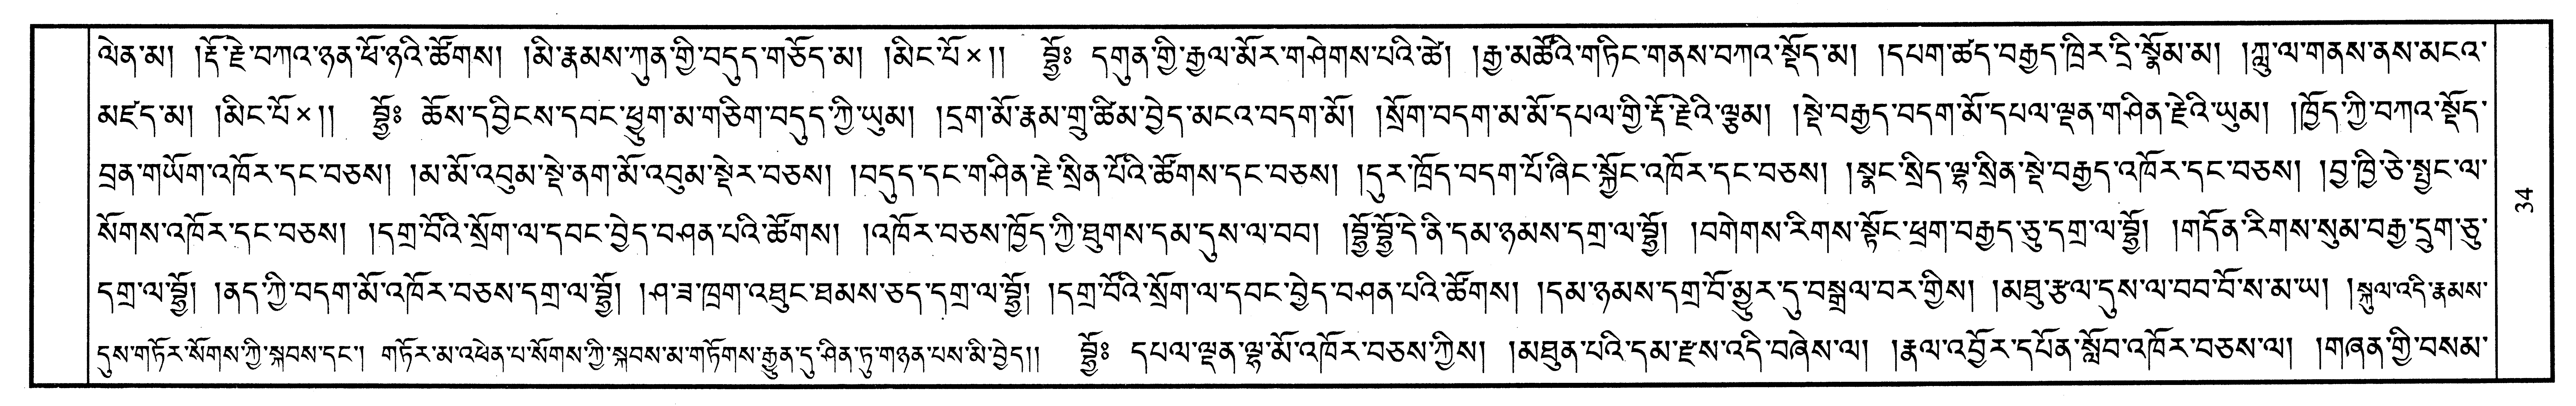ལེན་མ། །རྡོ་རྗེ་བཀའ་ཉན་ཕོ་ཉའི་ཚོགས། །མི་རྣམས་ཀུན་གྱི་བདུད་གཅོད་མ། །མིང་པོ་྾།། བྷྱོཿ དགུན་གྱི་རྒྱལ་མོར་གཤེགས་པའི་ཚེ། །རྒྱ་མཚོའི་གཏིང་གནས་བཀའ་སྡོད་མ། །དཔག་ཚད་བརྒྱད་ཁྲིར་དྲི་སྣོམ་མ། །ཀླུ་ལ་གནས་ནས་མངའ་
མཛད་མ། །མིང་པོ་྾།། བྷྱོཿ ཆོས་དབྱིངས་དབང་ཕྱུག་མ་གཅིག་བདུད་ཀྱི་ཡུམ། །དྲག་མོ་རྣམ་གྲུ་ཚིམ་བྱེད་མངའ་བདག་མོ། །སྲོག་བདག་མ་མོ་དཔལ་གྱི་རྡོ་རྗེའི་ལྕམ། །སྡེ་བརྒྱད་བདག་མོ་དཔལ་ལྡན་གཤིན་རྗེའི་ཡུམ། །ཁྱོད་ཀྱི་བཀའ་སྡོད་
བྲན་གཡོག་འཁོར་དང་བཅས། །མ་མོ་འབུམ་སྡེ་ནག་མོ་འབུམ་སྡེར་བཅས། །བདུད་དང་གཤིན་རྗེ་སྲིན་པོའི་ཚོགས་དང་བཅས། །དུར་ཁྲོད་བདག་པོ་ཞིང་སྐྱོང་འཁོར་དང་བཅས། །སྣང་སྲིད་ལྷ་སྲིན་སྡེ་བརྒྱད་འཁོར་དང་བཅས། །བྱ་ཁྱི་ཅེ་སྤྱང་ལ་
སོགས་འཁོར་དང་བཅས། །དགྲ་བོའི་སྲོག་ལ་དབང་བྱེད་བཤན་པའི་ཚོགས། །འཁོར་བཅས་ཁྱོད་ཀྱི་ཐུགས་དམ་དུས་ལ་བབ། །བྷྱོ་བྷྱོ་དེ་ནི་དམ་ཉམས་དགྲ་ལ་བྷྱོ། །བགེགས་རིགས་སྟོང་ཕྲག་བརྒྱད་ཅུ་དགྲ་ལ་བྷྱོ། །གདོན་རིགས་སུམ་བརྒྱ་དྲུག་ཅུ་
དགྲ་ལ་བྷྱོ། །ནད་ཀྱི་བདག་མོ་འཁོར་བཅས་དགྲ་ལ་བྷྱོ། །ཤ་ཟ་ཁྲག་འཐུང་ཐམས་ཅད་དགྲ་ལ་བྷྱོ། །དགྲ་བོའི་སྲོག་ལ་དབང་བྱེད་བཤན་པའི་ཚོགས། །དམ་ཉམས་དགྲ་བོ་མྱུར་དུ་བསྒྲལ་བར་གྱིས། །མཐུ་རྩལ་དུས་ལ་བབ་བོ་ས་མ་ཡ། །སྐུལ་འདི་རྣམས་
དུས་གཏོར་སོགས་ཀྱི་སྐབས་དང་། གཏོར་མ་འཕེན་པ་སོགས་ཀྱི་སྐབས་མ་གཏོགས་རྒྱུན་དུ་ཤིན་ཏུ་གཉན་པས་མི་བྱེད།། བྷྱོཿ དཔལ་ལྡན་ལྷ་མོ་འཁོར་བཅས་ཀྱིས། །མཐུན་པའི་དམ་རྫས་འདི་བཞེས་ལ། །རྣལ་འབྱོར་དཔོན་སློབ་འཁོར་བཅས་ལ། །གཞན་གྱི་བསམ་